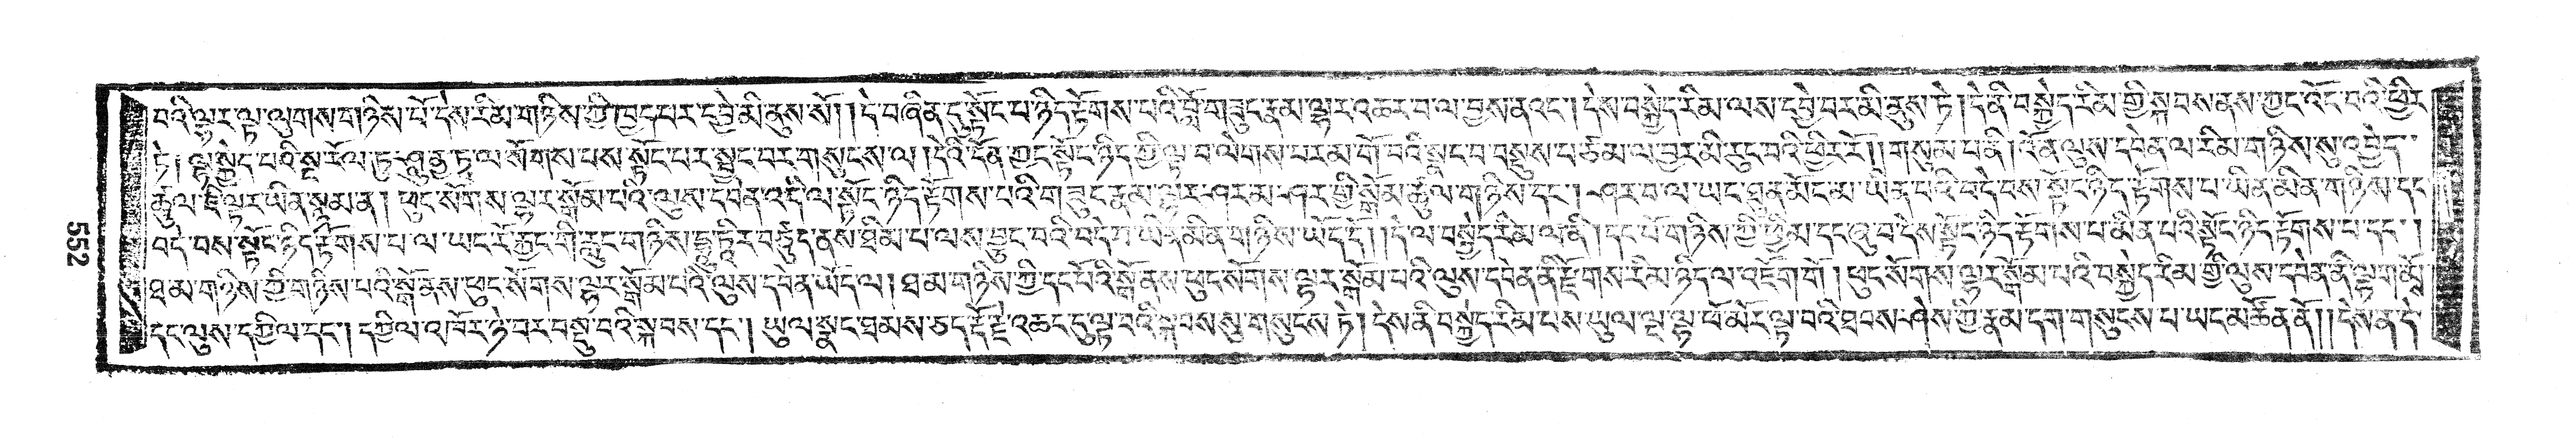བའི་ལྷར་ལྟ་ལུགས་གཉིས་པོ་དེས་རིམ་གཉིས་ཀྱི་ཁྱད་པར་དབྱེ་མི་ནུས་སོ། །དེ་བཞིན་དུ་སྟོང་པ་ཉིད་རྟོགས་པའི་བློ་གཟུང་རྣམ་ལྷར་འཆར་བ་ལ་བྱས་ནའང་། དེས་བསྐྱེད་རིམ་ལས་དབྱེ་བར་མི་ནུས་ཏེ། དེ་ནི་བསྐྱེད་རིམ་གྱི་སྐབས་ནས་ཀྱང་འོང་བའི་ཕྱིར་
ཏེ། ལྷ་སྐྱེད་པའི་སྔ་རོལ་ཏུ་ཤཱུ་ཉ་ཏཱ་ལ་སོགས་པས་སྟོང་པར་སྦྱང་བར་གསུངས་ལ། དེའི་དོན་ཀྱང་སྟོང་ཉིད་ཀྱི་ལྟ་བ་ལེགས་པར་མ་གོ་བའི་སྣང་བ་བསྡུས་པ་ཙམ་ལ་བྱར་མི་རུང་བའི་ཕྱིར་རོ། །གསུམ་པ་ནི། འོ་ན་ལུས་དབེན་ལ་རིམ་གཉིས་སུ་འབྱེད་
ཚུལ་ཇི་ལྟར་ཡིན་སྙམ་ན། ཕུང་སོགས་ལྷར་སྒོམ་པའི་ལུས་དབེན་འདི་ལ་སྟོང་ཉིད་རྟོགས་པའི་གཟུང་རྣམ་ལྷར་ཤར་ཤར་གྱི་སྒོམ་ཚུལ་གཉིས་དང་། ཤར་བ་ལ་ཡང་ཐུན་མོང་མ་ཡིན་པའི་བདེ་བས་སྟོང་ཉིད་རྟོགས་པ་ཡིན་མིན་གཉིས་དང་
བདེ་བས་སྟོང་ཉིད་རྟོགས་པ་ལ་ཡང་རོ་རྐྱང་གི་རླུང་གཉིས་དྷཱུ་ཏཱིར་བཙུན་ནས་ཐིམ་པ་ལས་བྱུང་བའི་བདེ་བ་ཡིན་མིན་གཉིས་ཡོད་དོ། །དེ་ལ་བསྐྱེད་རིམ་ལ་ནི། དང་པོ་གཉིས་ཀྱི་ཕྱི་མ་དང་ཞུ་བ་དེས་སྟོང་ཉིད་རྟོགས་པ་མིན་པའི་སྟོང་ཉིད་རྟོགས་པ་དང་།
ཐ་མ་གཉིས་ཀྱི་གཉིས་པའི་སྒོ་ནས་ཕུང་སོགས་ལྷར་སྒོམ་པའི་ལུས་དབེན་ཡོད་ལ། ཐ་མ་གཉིས་ཀྱི་དང་པོའི་སྒོ་ནས་ཕུང་སོགས་ལྷར་སྒོམ་པའི་ལུས་དབེན་ནི་རྫོགས་རིམ་ཉིད་ལ་འཇོག་གོ། ཕུང་སོགས་ལྷར་སྒོམ་པའི་བསྐྱེད་རིམ་གྱི་ལུས་དབེན་ནི་ལྷག་མོས་
རང་ལུས་དཀྱིལ་དང་། དཀྱིལ་འཁོར་ཉེ་བར་བསྡུ་བའི་སྐབས་དང་། ཡུལ་སྣང་ཐམས་ཅད་རྡོ་རྗེ་འཆང་དུ་ལྟ་བའི་སྐབས་སུ་གསུངས་ཏེ། དེས་ནི་བསྐྱེད་རིམ་པས་ཡུལ་ལྷ་ཕོ་མོར་ལྟ་བའི་ཐབས་ཤེས་ཀྱི་རྣམ་དག་གསུངས་པ་ཡང་མཚོན་ནོ། །དེས་ན་དེ་